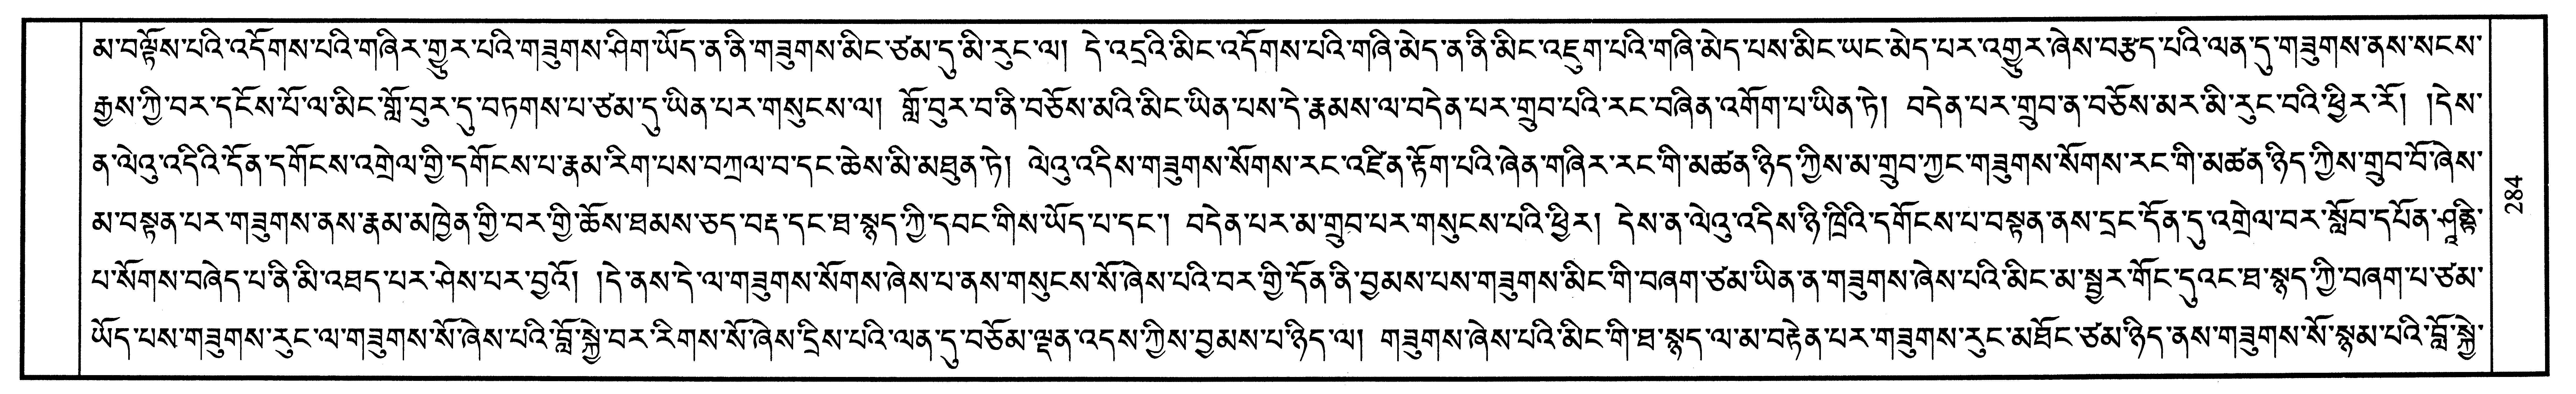མ་བལྟོས་པའི་འདོགས་པའི་གཞིར་གྱུར་པའི་གཟུགས་ཤིག་ཡོད་ན་ནི་གཟུགས་མིང་ཙམ་དུ་མི་རུང་ལ། དེ་འདྲའི་མིང་འདོགས་པའི་གཞི་མེད་ན་ནི་མིང་འཇུག་པའི་གཞི་མེད་པས་མིང་ཡང་མེད་པར་འགྱུར་ཞེས་བརྩད་པའི་ལན་དུ་གཟུགས་ནས་སངས་
རྒྱས་ཀྱི་བར་དངོས་པོ་ལ་མིང་གློ་བུར་དུ་བཏགས་པ་ཙམ་དུ་ཡིན་པར་གསུངས་ལ། གློ་བུར་བ་ནི་བཅོས་མའི་མིང་ཡིན་པས་དེ་རྣམས་ལ་བདེན་པར་གྲུབ་པའི་རང་བཞིན་འགོག་པ་ཡིན་ཏེ། བདེན་པར་གྲུབ་ན་བཅོས་མར་མི་རུང་བའི་ཕྱིར་རོ། །དེས་
ན་ལེའུ་འདིའི་དོན་དགོངས་འགྲེལ་གྱི་དགོངས་པ་རྣམ་རིག་པས་བཀྲལ་བ་དང་ཆེས་མི་མཐུན་ཏེ། ལེའུ་འདིས་གཟུགས་སོགས་རང་འཛིན་རྟོག་པའི་ཞེན་གཞིར་རང་གི་མཚན་ཉིད་ཀྱིས་མ་གྲུབ་ཀྱང་གཟུགས་སོགས་རང་གི་མཚན་ཉིད་ཀྱིས་གྲུབ་བོ་ཞེས་
མ་བསྟན་པར་གཟུགས་ནས་རྣམ་མཁྱེན་གྱི་བར་གྱི་ཆོས་ཐམས་ཅད་བརྡ་དང་ཐ་སྙད་ཀྱི་དབང་གིས་ཡོད་པ་དང་། བདེན་པར་མ་གྲུབ་པར་གསུངས་པའི་ཕྱིར། དེས་ན་ལེའུ་འདིས་ཉི་ཁྲིའི་དགོངས་པ་བསྟན་ནས་དྲང་དོན་དུ་འགྲེལ་བར་སློབ་དཔོན་ཤཱནྟི་
པ་སོགས་བཞེད་པ་ནི་མི་འཐད་པར་ཤེས་པར་བྱའོ། །དེ་ནས་དེ་ལ་གཟུགས་སོགས་ཞེས་པ་ནས་གསུངས་སོ་ཞེས་པའི་བར་གྱི་དོན་ནི་བྱམས་པས་གཟུགས་མིང་གི་བཞག་ཙམ་ཡིན་ན་གཟུགས་ཞེས་པའི་མིང་མ་སྦྱར་གོང་དུའང་ཐ་སྙད་ཀྱི་བཞག་པ་ཙམ་
ཡོད་པས་གཟུགས་རུང་ལ་གཟུགས་སོ་ཞེས་པའི་བློ་སྐྱེ་བར་རིགས་སོ་ཞེས་དྲིས་པའི་ལན་དུ་བཅོམ་ལྡན་འདས་ཀྱིས་བྱམས་པ་ཉིད་ལ། གཟུགས་ཞེས་པའི་མིང་གི་ཐ་སྙད་ལ་མ་བརྟེན་པར་གཟུགས་རུང་མཐོང་ཙམ་ཉིད་ནས་གཟུགས་སོ་སྙམ་པའི་བློ་སྐྱེ་